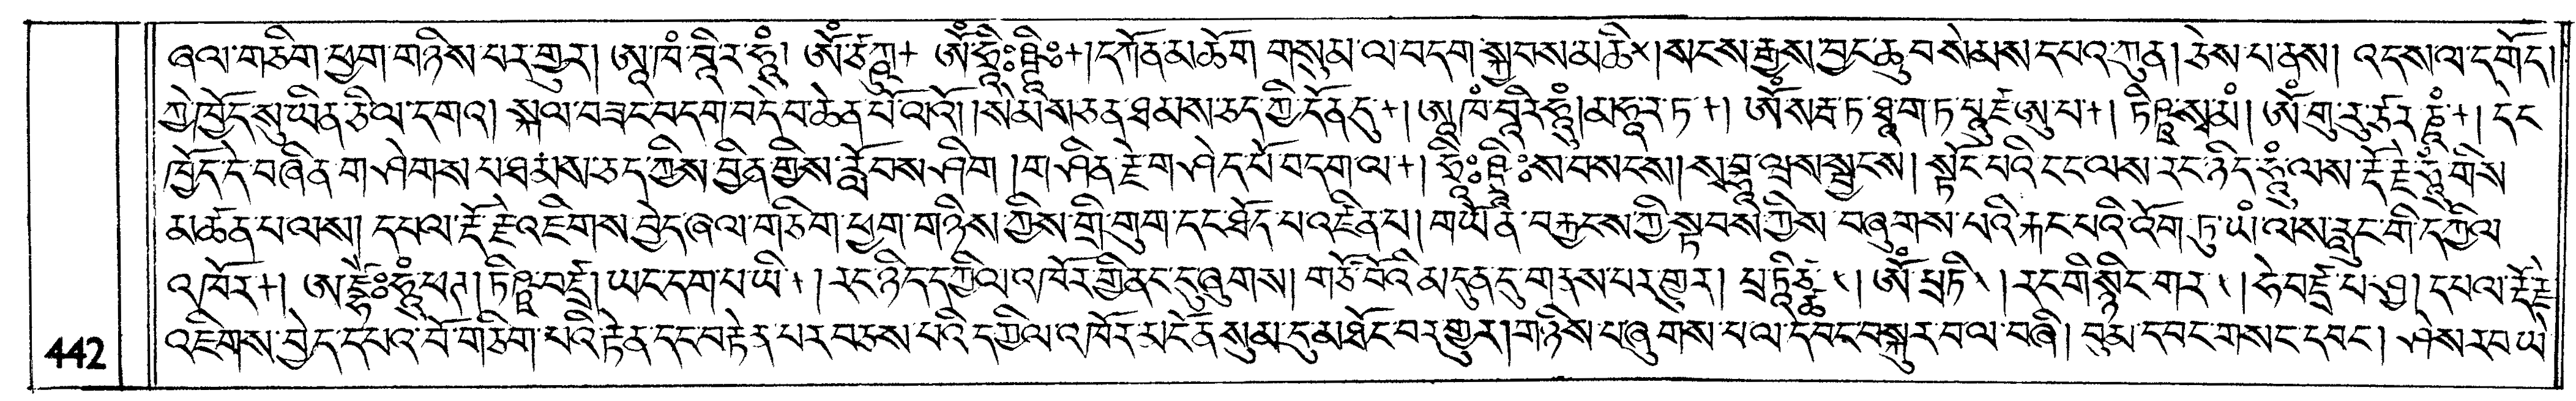ཞལ་གཅིག་ཕྱག་གཉིས་པར་གྱུར། ཨཱ་ཁཾ་བཱི་ར་ཧཱུཾ། ཨོཾ་ཙཀྵུ་྾་ཨོཾ་ཧྲཱིཿ ཥྜཱིཿ ྾། དཀོན་མཆོག་གསུམ་ལ་བདག་སྐྱབས་མཆི་྾། སངས་རྒྱས་བྱང་ཆུབ་སེམས་དཔའ་ཀུན། ཅེས་པ་ནས། འདས་ལ་དགོད།
ཀྱེ་ཁྱོད་སུ་ཡིན་ཅི་ལ་དགའ། སྐལ་བཟང་བདག་བདེ་བ་ཆེན་པོ་ལའོ། །སེམས་ཅན་ཐམས་ཅད་ཀྱི་དོན་དུ་྾། ཨཱ་ཁཾ་བཱིར་ཧཱུཾ། མཧཱ་ར་ཏ་྾། ཨོཾ་སརྦ་ཏ་ཐཱ་ག་ཏ་པཱུ་ཛ་ཨུ་པ་྾། ཏིཥཊཿཨ་སྭ་མཾ། ཨོཾ་གུ་རུ་ཙར་ཎཱཾ་྾། དེང་
ཁྱོད་དེ་བཞིན་གཤེགས་པ་ཐམས་ཅད་ཀྱིས་བྱིན་གྱིས་རློབས་ཤིག །གཤིན་རྗེ་གཤེད་པོ་བདག་ལ་྾། ཧྲཱིཿ ཥྚྲཱིཿ ས་བསངས། སྭ་བྷཱ་ཝས་སྦྱངས། སྟོང་པའི་ངང་ལས་རང་ཉིད་ཧཱུཾ་ལས་རྡོ་རྗེ་ཧཱུཾ་གིས་
མཚན་པ་ལས། དཔལ་རྡོ་རྗེ་འཇིགས་བྱེད་ཞལ་གཅིག་ཕྱག་གཉིས་ཀྱིས་གྲི་གུག་དང་ཐོད་པ་འཛིན་པ། གཡོན་བརྐྱངས་ཀྱི་སྟབས་ཀྱིས་བཞུགས་པའི་རྐང་པའི་འོག་ཏུ་ཡཾ་ལས་རླུང་གི་དཀྱིལ་
འཁོར་྾། ཨ་ཛྷཻཿ ཧཱུཾ་ཕཊ། ཏིཥཊཿཨ་བཛྲ། ཡང་དག་པ་ཡི་྾། རང་ཉིད་དཀྱིལ་འཁོར་གྱི་ནང་དུ་ཞུགས། གཙོ་བོའི་མདུན་དུ་གནས་པར་གྱུར། པྲ་ཏཱི་ཙྪ་྾། ཨོཾ་པྲཏི་྾། རང་གི་སྙིང་གར་྾། ཧེ་བཛྲ་པ་ཤྱ། དཔལ་རྡོ་རྗེ་
འཇིགས་བྱེད་དཔའ་བོ་གཅིག་པའི་རྟེན་དང་བརྟེན་པར་བཅས་པའི་དཀྱིལ་འཁོར་མངོན་སུམ་དུ་མཐོང་བར་གྱུར། གཉིས་པ་ཞུགས་པ་ལ་དབང་བསྐུར་བ་ལ་བཞི། བུམ་དབང་གསང་དབང་། ཤེས་རབ་ཡེ་